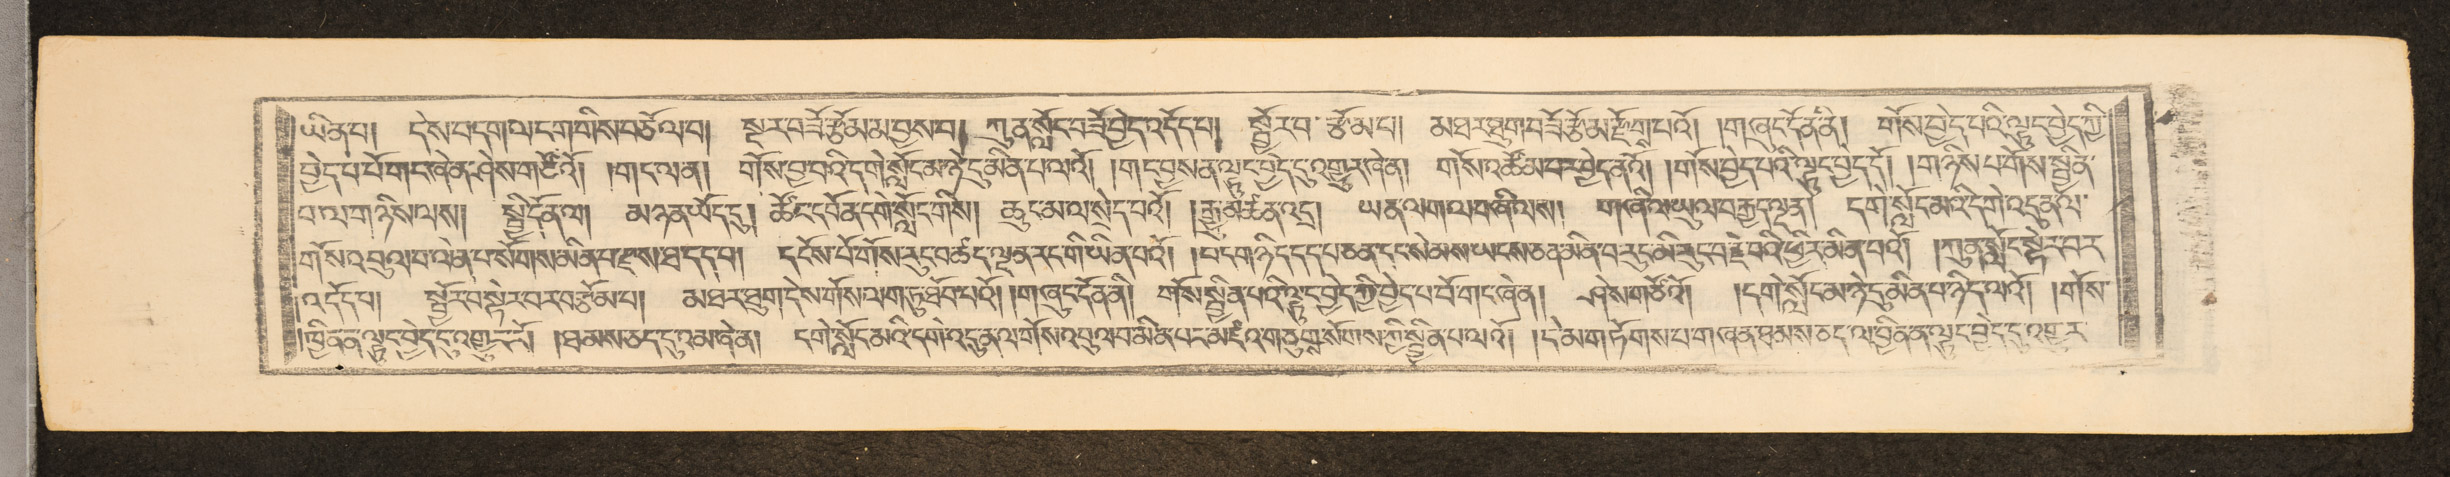ཡིན་པ། དེས་བདག་ལ་དག་གིས་བཅོལ་བ། སྔར་བཟོ་རྩོམ་མ་བྱས་པ། ཀུན་སློང་བཟོ་བྱེད་འདོད་པ། སྦྱོར་བ་རྩོམ་པ། མཐར་ཐུག་བཟོ་རྩོམ་རྫོགས་པའོ། །གཞུང་དོན་ནི། གོས་བྱེད་པའི་ལྟུང་བྱེད་ཀྱི་
བྱེད་པ་པོ་གང་ཞེ་ན་ཤེས་གཙོའོ། །གང་ལ་ན། གོས་བྱ་བའི་དགེ་སློང་མ་ཉེ་དུ་མིན་པ་ལའོ། །གང་བྱས་ན་ལྟུང་བྱེད་དུ་འགྱུར་ཞེ་ན། གོས་འཚེམ་པར་བྱེད་ནའོ། །གོས་བྱེད་པའི་ལྟུང་བྱེད་དོ། །གཉིས་པ་གོས་སྦྱིན་
པ་ལ་གཉིས་ལས། སྤྱི་དོན་ལ། མཉན་ཡོད་དུ། ཚོང་དཔོན་དགེ་སློང་གིས། ཆུང་མ་ལ་སྲེད་པའོ། །རྒྱུ་མཚན་འདྲ། ཡན་ལག་ལ་བཞི་ལས། གཞི་ལ་ཡུལ་བརྒྱད་ལྡན། དགེ་སློང་མའི་དགེ་འདུན་ལ་
གོས་འབུལ་བ་ལེན་པ་སོགས་མིན་པ་རྫས་ཐ་དད་པ། དངོས་པོ་གོས་རུང་བ་ཚད་ལྡན་རང་གི་ཡིན་པའོ། །བདག་ཉིད་དད་པ་ཅན་དང་སེམས་ཡངས་ཅན་མིན་པ་རུང་མི་རུང་བརྗེ་བའི་ཕྱིར་མིན་པའོ། །ཀུན་སློང་སྟེར་བར་
འདོད་པ། སྦྱོར་བ་སྟེར་བར་བརྩོམ་པ། མཐར་ཐུག་དེས་གོས་ལག་ཏུ་ཐོབ་པའོ། །གཞུང་དོན་ནི། གོས་སྦྱིན་པའི་ལྟུང་བྱེད་ཀྱི་བྱེད་པ་པོ་གང་ཞེ་ན། ཤེས་གཙོའོ། །དགེ་སློང་མ་ཉེ་དུ་མིན་པ་ཉིད་ལའོ། །གོས་
བྱིན་ན་ལྟུང་བྱེད་དུ་འགྱུར་རོ། །ཐམས་ཅད་དུ་འམ་ཞེ་ན། དགེ་སློང་མའི་དགེ་འདུན་ལ་གོས་འབུལ་བ་མིན་པར་མཛའ་གཅུགས་སོགས་ཀྱི་སྦྱིན་པ་ལའོ། །དེ་མ་གཏོགས་པ་གཞན་ཐམས་ཅད་ལ་བྱིན་ན་ལྟུང་བྱེད་དུ་འགྱུར་